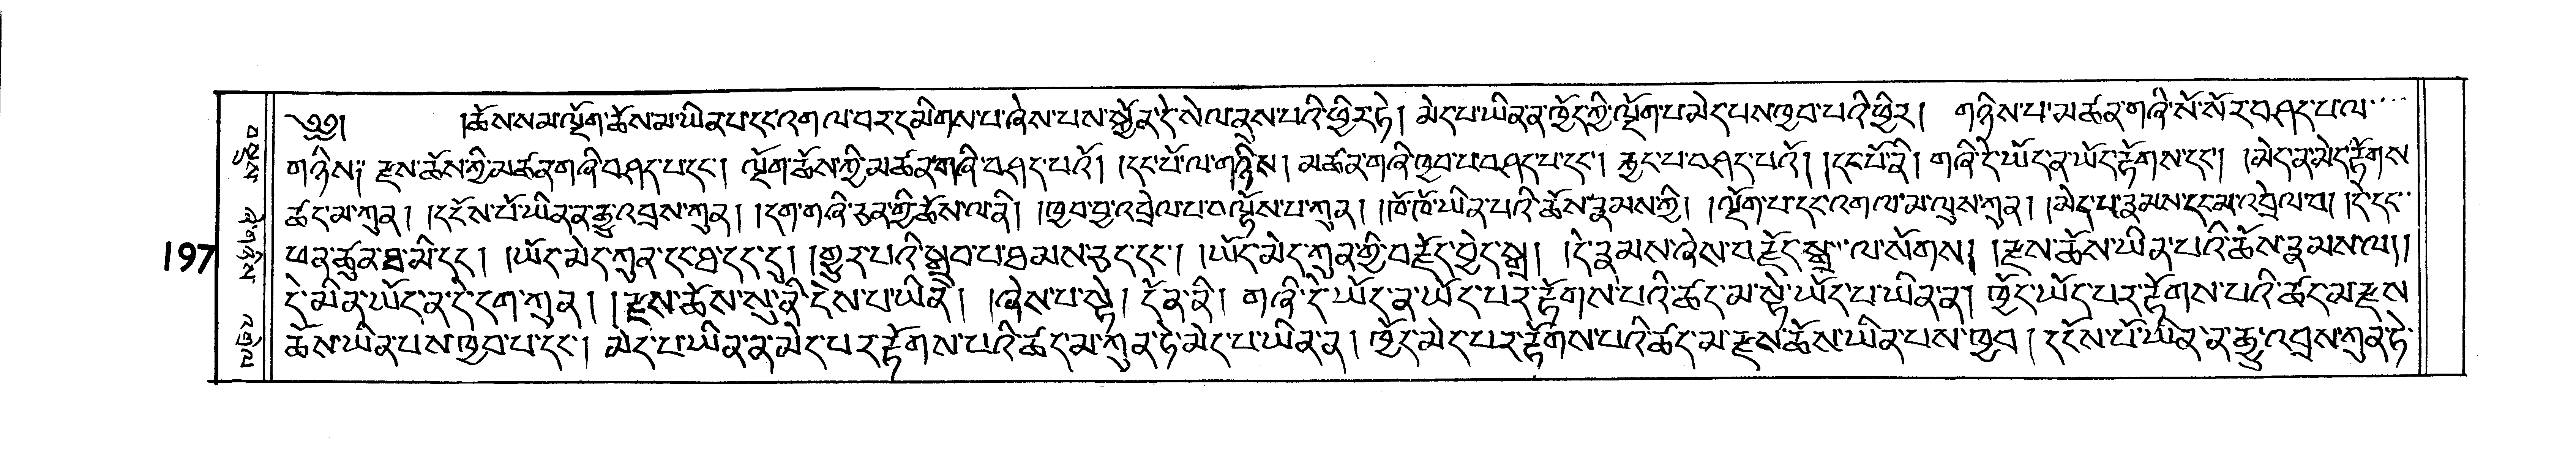༄༅། །ཆོས་སམ་ལྡོག་ཆོས་མ་ཡིན་པ་དང་འགལ་བར་དམིགས་པ་ཞེས་པས་སྐྱོན་དེ་སེལ་ནུས་པའི་ཕྱིར་ཏེ། མེད་པ་ཡིན་ན་ཁྱོད་ཀྱི་ལྡོག་པ་མེད་པས་ཁྱབ་པའི་ཕྱིར། གཉིས་པ་མཚན་གཞི་སོ་སོར་བཤད་པ་ལ་
གཉིས༑ རྫས་ཆོས་ཀྱི་མཚན་གཞི་བཤད་པ་དང་། ལྡོག་ཆོས་ཀྱི་མཚན་གཞི་བཤད་པའོ། །དང་པོ་ལ་གཉིས། མཚན་གཞི་ཁྱབ་པ་བཤད་པ་དང་། རྐྱང་པ་བཤད་པའོ། །དང་པོ་ནི། གཞི་དེ་ཡོད་ན་ཡོད་རྟོགས་དང་། །མེད་ན་མེད་རྟོགས་
ཚད་མ་ཀུན། །དངོས་པོ་ཡིན་ན་རྒྱུ་འབྲས་ཀུན། །དག་གཞི་ཅན་གྱི་ཆོས་ལ་ནི། །ཁྱབ་བྱ་འབྲེལ་པ་བལྟོས་པ་ཀུན། །ཁོ་ཁོ་ཡིན་པའི་ཆོས་རྣམས་ཀྱི། །ལྡོག་པ་དང་འགལ་མ་ལུས་ཀུན། །མེད་པ་རྣམས་དང་མ་འབྲེལ་བ། །དེ་དང་
ཕན་ཚུན་ཐ་མི་དང་། །ཡོད་མེད་ཀུན་དང་ཐ་དད་དུ། །གྱུར་པའི་སྒྲུབ་པ་ཐམས་ཅད་དང་། །ཡོད་མེད་ཀུན་གྱི་བརྗོད་བྱེད་སྒྲ། །དེ་རྣམས་ཞེས་བརྗོད་སྒྲ་ལ་སོགས། །རྫས་ཆོས་ཡིན་པའི་ཆོས་རྣམས་ལ། །
དེ་མིན་ཡོད་ན་དེ་དག་ཀུན། །རྫས་ཆོས་སུ་ནི་ངེས་པ་ཡིན། །ཞེས་པ་སྟེ། དོན་ནི། གཞི་དེ་ཡོད་ན་ཡོད་པར་རྟོགས་པའི་ཚད་མ་སྟེ་ཡོད་པ་ཡིན་ན། ཁྱོད་ཡོད་པར་རྟོགས་པའི་ཚད་མ་རྫས་
ཆོས་ཡིན་པས་ཁྱབ་པ་དང་། མེད་པ་ཡིན་ན་མེད་པར་རྟོགས་པའི་ཚད་མ་ཀུན་ཏེ་མེད་པ་ཡིན་ན། ཁྱོད་མེད་པར་རྟོགས་པའི་ཚད་མ་རྫས་ཆོས་ཡིན་པས་ཁྱབ། དངོས་པོ་ཡིན་ན་རྒྱུ་འབྲས་ཀུན་ཏེ་